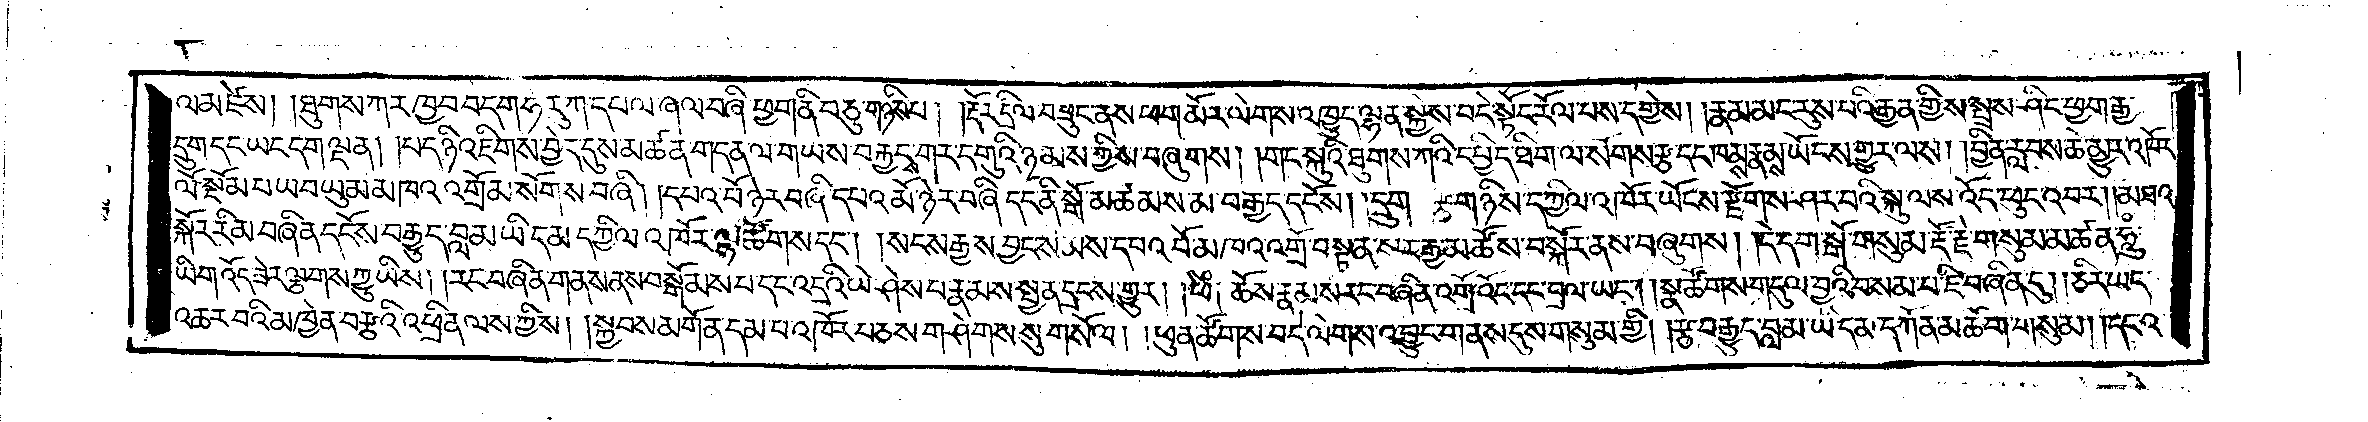ལ་མཛེས། །ཐུགས་ཀར་ཁྱབ་བདག་ཧ་རུ་ཀ་དཔལ་ཞལ་བཞི་ཕྱག་ནི་བཅུ་གཉིས་པ། །རྡོར་དྲིལ་བཟུང་ནས་ཕག་མོར་ལེགས་འཁྱུད་ལྷན་སྐྱེས་བདེ་སྟོང་རོལ་བས་དགྱེས། །རྣམ་མང་རུས་པའི་རྒྱན་གྱིས་སྤྲས་ཤིང་ཕྱག་རྒྱ་
དྲུག་དང་ཡང་དག་ལྡན། །པད་ཉི་འཇིགས་བྱེད་དུས་མཚན་གདན་ལ་གཡས་བརྐྱངས་གར་དགུའི་ཉམས་གྱིས་བཞུགས། །གང་སྐུའི་ཐུགས་ཀྱའི་དཔྱིད་ཐིག་ལ་སོགས་རྩ་དང་ཁམས་རྣམས་ཡོངས་གྱུར་ལས། །བྱིན་རླབས་ཆེ་མྱུར་འཁོར་
ལོ་སྔོམ་པ་ཡབ་ཡུམ་མཁའ་འགྲོ་མ་སོགས་བཞི། །དཔའ་བོ་ཉེར་བཞི་དཔའ་མོ་ཉེར་བཞི་དང་ནི་སྒོ་མཚམས་མ་བརྒྱད་དངོས། །དྲུག་རྩ་གཉིས་དཀྱིལ་འཁོར་ཡོངས་རྫོགས་ཤར་བའི་སྐུ་ལས་འོད་ཕུང་འབར། །མཐའ་
སྐོར་རིམ་བཞིན་དངོས་བརྒྱུད་བླ་མ་ཡིད་མ་དཀྱིལ་འཁོར་ལྷ་ཚོགས་དང་། །སངས་རྒྱས་བྱང་སེམས་དཔའ་བོ་མཁའ་འགྲོ་བསྟན་སར་རྒྱ་མཚོས་བསྐོར་ནས་བཞུགས། །དེ་དག་སྒོ་གསུམ་རྡོ་རྗེ་གསུམ་མཚན་ཧཱུཾ་
ཡིག་འོད་ཟེར་ལྕགས་ཀྱུ་ཡིས། །རང་བཞིན་གནས་ནས་བསྒོམས་པ་དང་འདྲའི་ཡེ་ཤེས་བ་རྣམས་སྤྱན་དྲངས་གྱུར། །ཕཻཾ། ཆོས་རྣམས་རང་བཞིན་འགྲོ་འོང་དང་བྲལ་ཡང་། །སྣ་ཚོགས་གདུལ་བྱའི་བསམ་པ་ཇི་བཞིན་དུ། །ཅིར་ཡང་
འཆར་བའི་མཁྱེན་བརྩའི་འཕྲིན་ལས་ཀྱིས། །སྐྱབས་མགོན་དམ་བ་འཁོར་བཅས་གཤེགས་སུ་གསོལ། །ཕུན་ཚོགས་བདེ་ལེགས་འབྱུང་གནས་དུས་གསུམ་གྱི། །རྩ་བརྒྱུད་བླ་མ་ཡི་དམ་དཀོན་མཆོག་གསུམ། །དངའ་